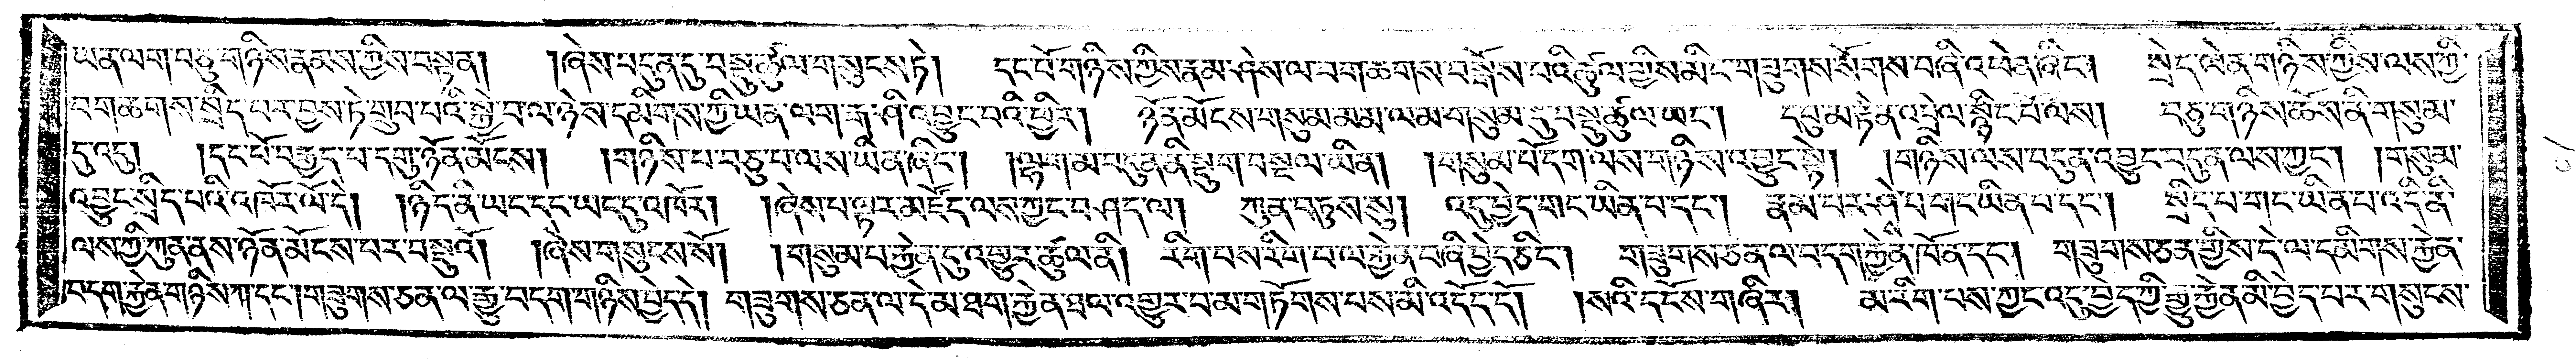ཡན་ལག་བཅུ་གཉིས་རྣམས་ཀྱིས་བསྟན། །ཞེས་བདུན་དུ་བསྡུ་ཚུལ་གསུངས་ཏེ། དང་པོ་གཉིས་ཀྱིས་རྣམ་ཤེས་ལ་བག་ཆགས་བསྒོས་པའི་ཚུལ་གྱིས་མིང་གཟུགས་སོགས་བཞི་འཕེན་ཞིང་། སྲེད་ལེན་གཉིས་ཀྱིས་ལས་ཀྱི་
བག་ཆགས་སྲིད་བར་བྱས་ཏེ་གྲུབ་པའི་སྐྱེ་བ་ལ་ཉེས་དམིགས་ཀྱི་ཡན་ལག་རྒ་ཤི་འབྱུང་བའི་ཕྱིར། ཉོན་མོངས་གསུམ་མམ་ལམ་གསུམ་དུ་བསྡུ་ཚུལ་ཡང་། དབུ་མ་རྟེན་འབྲེལ་སྙིང་པོ་ལས། བཅུ་གཉིས་ཆོས་ནི་གསུམ་
དུ་འདུ། །དང་པོ་བརྒྱད་པ་དགུ་ཉོན་མོངས། །གཉིས་པ་བཅུ་པ་ལས་ཡིན་ཞིང་། །ལྷག་མ་བདུན་ནི་སྡུག་བསྔལ་ཡིན། །གསུམ་པོ་དག་ལས་གཉིས་འབྱུང་སྟེ། །གཉིས་ལས་བདུན་འབྱུང་བདུན་ལས་ཀྱང་། །གསུམ་
འབྱུང་སྲིད་པའི་འཁོར་ལོ་དེ། །ཉིད་ནི་ཡང་དང་ཡང་དུ་འཁོར། །ཞེས་པ་ལྟར་མཛོད་ལས་ཀྱང་བཤད་ལ། ཀུན་བཏུས་སུ། འདུ་བྱེད་གང་ཡིན་པ་དང་། རྣམ་པར་ཤེས་བ་གང་ཡིན་པ་དང་། སྲིད་པ་གང་ཡིན་པ་འདི་ནི་
ལས་ཀྱི་ཀུན་ནས་ཉོན་མོངས་པར་བསྡུའོ། །ཞེས་གསུངས་སོ། །གསུམ་པ་རྐྱེན་དུ་འགྱུར་ཚུལ་ནི། རིག་པས་རིག་པ་ལ་རྐྱེན་བཞི་བྱེད་ཅིང་། གཟུགས་ཅན་ལ་བདག་རྐྱེན་ཁོ་ན་དང་། གཟུགས་ཅན་གྱིས་དེ་ལ་དམིགས་རྐྱེན་
བདག་རྐྱེན་གཉིས་ཀ་དང་། གཟུགས་ཅན་ལ་རྒྱུ་བདག་གཉིས་བྱེད་དེ། གཟུགས་ཅན་ལ་དེ་མ་ཐག་རྒྱེན་ཐལ་འགྱུར་བ་མ་གཏོགས་པས་མི་འདོད་དོ། །སའི་དངོས་གཞིར། མ་རིག་པས་ཀྱང་འདུ་བྱེད་ཀྱི་རྒྱུ་རྐྱེན་མི་བྱེད་པར་གསུངས་